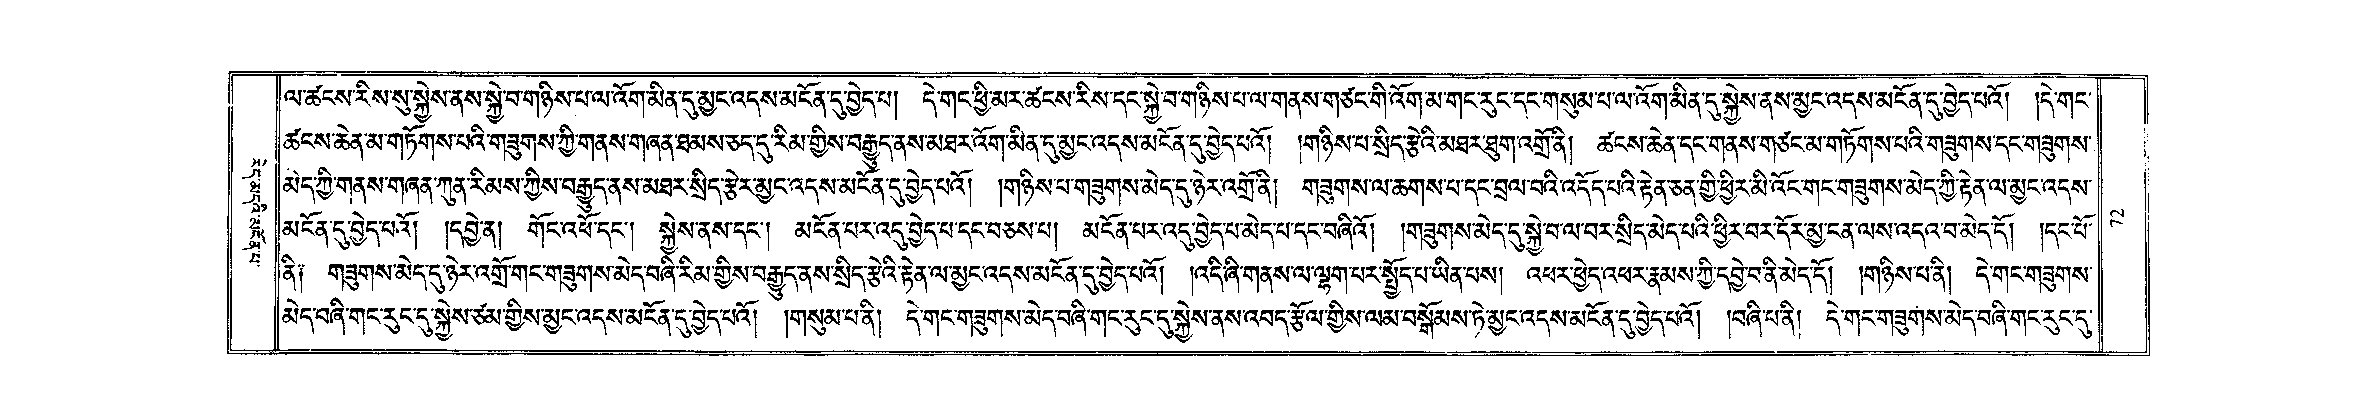ལ་ཚངས་རིས་སུ་སྐྱེས་ནས་སྐྱེ་བ་གཉིས་པ་ལ་འོག་མིན་དུ་མྱང་འདས་མངོན་དུ་བྱེད་པ། དེ་གང་ཕྱི་མར་ཚངས་རིས་དང་སྐྱེ་བ་གཉིས་པ་ལ་གནས་གཙང་གི་འོག་མ་གང་རུང་དང་གསུམ་པ་ལ་འོག་མིན་དུ་སྐྱེས་ནས་མྱང་འདས་མངོན་དུ་བྱེད་པའོ། །དེ་གང་
ཚངས་ཆེན་མ་གཏོགས་པའི་གཟུགས་ཀྱི་གནས་གཞན་ཐམས་ཅད་དུ་རིམ་གྱིས་བརྒྱུད་ནས་མཐར་འོག་མིན་དུ་མྱང་འདས་མངོན་དུ་བྱེད་པའོ། །གཉིས་པ་སྲིད་རྩེའི་མཐར་ཐུག་འགྲོ་ནི། ཚངས་ཆེན་དང་གནས་གཙང་མ་གཏོགས་པའི་གཟུགས་དང་གཟུགས་
མེད་ཀྱི་གནས་གཞན་ཀུན་རིམས་ཀྱིས་བརྒྱུད་ནས་མཐར་སྲིད་རྩེར་མྱང་འདས་མངོན་དུ་བྱེད་པའོ། །གཉིས་པ་གཟུགས་མེད་དུ་ཉེར་འགྲོ་ནི། གཟུགས་ལ་ཆགས་པ་དང་བྲལ་བའི་འདོད་པའི་རྟེན་ཅན་གྱི་ཕྱིར་མི་འོང་གང་གཟུགས་མེད་ཀྱི་རྟེན་ལ་མྱང་འདས་
མངོན་དུ་བྱེད་བའོ། །དབྱེ་ན། གོང་འཕོ་དང་། སྐྱེས་ནས་དང་། མངོན་པར་འདུ་བྱེད་པ་དང་བཅས་པ། མངོན་པར་འདུ་བྱེད་པ་མེད་པ་དང་བཞིའོ། །གཟུགས་མེད་དུ་སྐྱེ་བ་ལ་བར་སྲིད་མེད་པའི་ཕྱིར་བར་དོར་མྱ་ངན་ལས་འདའ་བ་མེད་དོ། །དང་པོ་
ནི༑ གཟུགས་མེད་དུ་ཉེར་འགྲོ་གང་གཟུགས་མེད་བཞི་རིམ་གྱིས་བརྒྱུད་ནས་སྲིད་རྩེའི་རྟེན་ལ་མྱང་འདས་མངོན་དུ་བྱེད་པའོ། །འདི་ཞི་གནས་ལ་ལྷག་པར་སྤྱོད་པ་ཡིན་པས། འཕར་ཕྱེད་འཕར་རྣམས་ཀྱི་དབྱེ་བ་ནི་མེད་དོ། །གཉིས་པ་ནི། དེ་གང་གཟུགས་
མེད་བཞི་གང་རུང་དུ་སྐྱེས་ཙམ་གྱིས་མྱང་འདས་མངོན་དུ་བྱེད་པའོ། །གསུམ་པ་ནི། དེ་གང་གཟུགས་མེད་བཞི་གང་རུང་དུ་སྐྱེས་ནས་འབད་རྩོལ་གྱིས་ལམ་བསྒོམས་ཏེ་མྱང་འདས་མངོན་དུ་བྱེད་པའོ། །བཞི་པ་ནི། དེ་གང་གཟུགས་མེད་བཞི་གང་རུང་དུ་